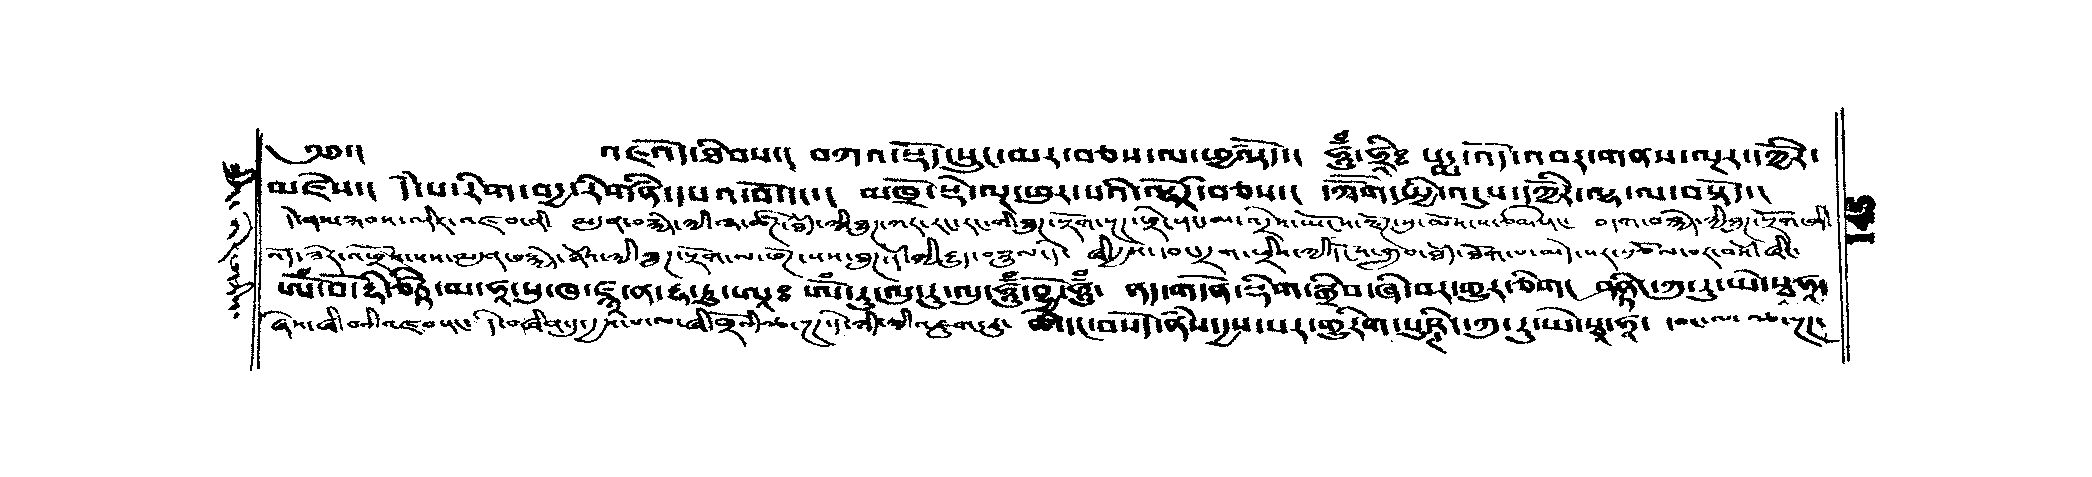འཇའ་འོད་ཐིབས། །བཀའ་སྡོད་སྲུང་མར་བཅས་ལ་ཕྱག་འཚལ་བསྟོད། །ཧཱུྃ་ཧྲཱིཿ པདྨ་འོད་འབར་གནས་ལྔར་དཀྱིལ་འཁོར་
མཛེས། །དམ་པ་རིགས་བརྒྱ་རིག་འཛིན་དཔའ་བོ་དང་། །མཁའ་འགྲོ་སྡེ་ལྔ་ཕུར་པའི་ལྷ་ཚོགས་བཅས། །དཀོན་མཆོག་སྤྱི་འདུས་དཀྱིལ་འཁོར་ལྷ་ལ་བསྟོད། །
དེ་ནས་སྐབས་འདིར་འཛབ་ནི། མདུན་བསྐྱེད་ཀྱི་ལྷ་ཚོགས་ཐམས་ཅད་ཀྱི་ཐུགས་ཀར་རང་རང་གི་ཐུགས་སྲོག་སྔགས་ཕྲེང་དང་མ་འདྲེས་ཡོངས་རྫོགས་སུ་མོས་པ་ཙམ་དང་། བདག་བསྐྱེད་ཀྱི་ཐུགས་སྲོག་གི་
འོད་ཟེར་འཕྲོས་པས་མདུན་བསྐྱེད་རྣམས་ཀྱི་ཐུགས་སྲོག་ལ་ཕོག་པས་ཐུགས་དམ་གྱི་རྒྱུད་བསྐུལ་ཏེ། ཞི་རྒྱས་དབང་དྲག་ཕྲིན་ལས་ཀྱི་དངོས་གྲུབ་ཐམས་ཅད་ཐོགས་པ་མེད་པར་རྩོལ་བར་བསམ་ཞིང་།
 ཨོྃ་བོ་དྷི་ཙིཏྟ་མ་ཧཱ་སུ་ཁ་ཛྙ་ན་དྷ་ཏུ་ཨཱཿཨོྃ་རུ་ལུ་རུ་ལུ་ཧཱུྃ་བྷྱོ་ཧཱུྃ། ནད་གདོན་སྡིག་སྒྲིབ་ཞི་བར་གྱུར་ཅིག་ཤནྟིང་ཀུ་རུ་ཡེ་སྭཱ་ཧཱ། 
ཞེས་ཞི་བའི་འཛབ་དང་། དེ་བཞིན་དུ་རྒྱས་པ་ལ་ཁྲོ་བོའི་རྩ་སྔགས་དེ་ཉིད་ཀྱི་མཇུག་ཏུ། ཚེ་དང་བསོད་ནམས་རྒྱས་པར་གྱུར་ཅིག་པུཥྚིང་ཀུ་རུ་ཡེ་སྭཱ་ཧཱ། དབང་ལ། རྩ་སྔགས་